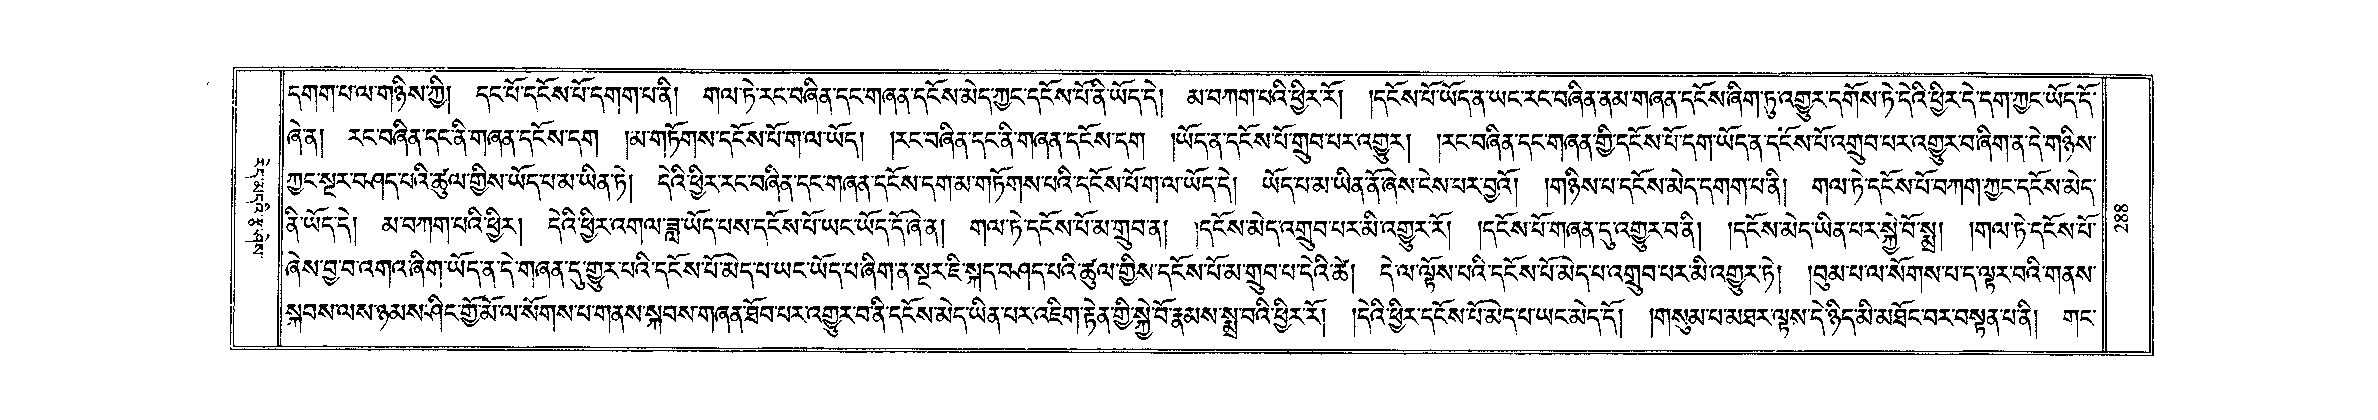དགག་པ་ལ་གཉིས་ཀྱི། དང་པོ་དངོས་པོ་དགག་པ་ནི། གལ་ཏེ་རང་བཞིན་དང་གཞན་དངོས་མེད་ཀྱང་དངོས་པོ་ནི་ཡོད་དེ། མ་བཀག་པའི་ཕྱིར་རོ། །དངོས་པོ་ཡོད་ན་ཡང་རང་བཞིན་ནམ་གཞན་དངོས་ཞིག་ཏུ་འགྱུར་དགོས་ཏེ་དེའི་ཕྱིར་དེ་དག་ཀྱང་ཡོད་དོ་
ཞེ་ན། རང་བཞིན་དང་ནི་གཞན་དངོས་དག །མ་གཏོགས་དངོས་པོ་ག་ལ་ཡོད། །རང་བཞིན་དང་ནི་གཞན་དངོས་དག །ཡོད་ན་དངོས་པོ་གྲུབ་པར་འགྱུར། །རང་བཞིན་དང་གཞན་གྱི་དངོས་པོ་དག་ཡོད་ན་དངོས་པོ་འགྲུབ་པར་འགྱུར་བ་ཞིག་ན་དེ་གཉིས་
ཀྱང་སྔར་བཤད་པའི་ཚུལ་གྱིས་ཡོད་པ་མ་ཡིན་ཏེ། དེའི་ཕྱིར་རང་བཞིན་དང་གཞན་དངོས་དག་མ་གཏོགས་པའི་དངོས་པོ་ག་ལ་ཡོད་དེ། ཡོད་པ་མ་ཡིན་ནོ་ཞེས་ངེས་པར་བྱའོ། །གཉིས་པ་དངོས་མེད་དགག་པ་ནི། གལ་ཏེ་དངོས་པོ་བཀག་ཀྱང་དངོས་མེད་
ནི་ཡོད་དེ། མ་བཀག་པའི་ཕྱིར། དེའི་ཕྱིར་འགལ་ཟླ་ཡོད་པས་དངོས་པོ་ཡང་ཡོད་དོ་ཞེ་ན། གལ་ཏེ་དངོས་པོ་མ་གྲུབ་ན། །དངོས་མེད་འགྲུབ་པར་མི་འགྱུར་རོ། །དངོས་པོ་གཞན་དུ་འགྱུར་བ་ནི། །དངོས་མེད་ཡིན་པར་སྐྱེ་བོ་སྨྲ། །གལ་ཏེ་དངོས་པོ་
ཞེས་བྱ་བ་འགའ་ཞིག་ཡོད་ན་དེ་གཞན་དུ་གྱུར་པའི་དངོས་པོ་མེད་པ་ཡང་ཡོད་པ་ཞིག་ན་སྔར་ཇི་སྐད་བཤད་པའི་ཚུལ་གྱིས་དངོས་པོ་མ་གྲུབ་པ་དེའི་ཚེ། དེ་ལ་ལྟོས་པའི་དངོས་པོ་མེད་པ་འགྲུབ་པར་མི་འགྱུར་ཏེ། །བུམ་པ་ལ་སོགས་པ་ད་ལྟར་བའི་གནས་
སྐབས་ལས་ཉམས་ཤིང་གྱོ་མོ་ལ་སོགས་པ་གནས་སྐབས་གཞན་ཐོབ་པར་འགྱུར་བ་ནི་དངོས་མེད་ཡིན་པར་འཇིག་རྟེན་གྱི་སྐྱེ་བོ་རྣམས་སྨྲ་བའི་ཕྱིར་རོ། །དེའི་ཕྱིར་དངོས་པོ་མེད་པ་ཡང་མེད་དོ། །གསུམ་པ་མཐར་ལྟས་དེ་ཉིད་མི་མཐོང་བར་བསྟན་པ་ནི། གང་